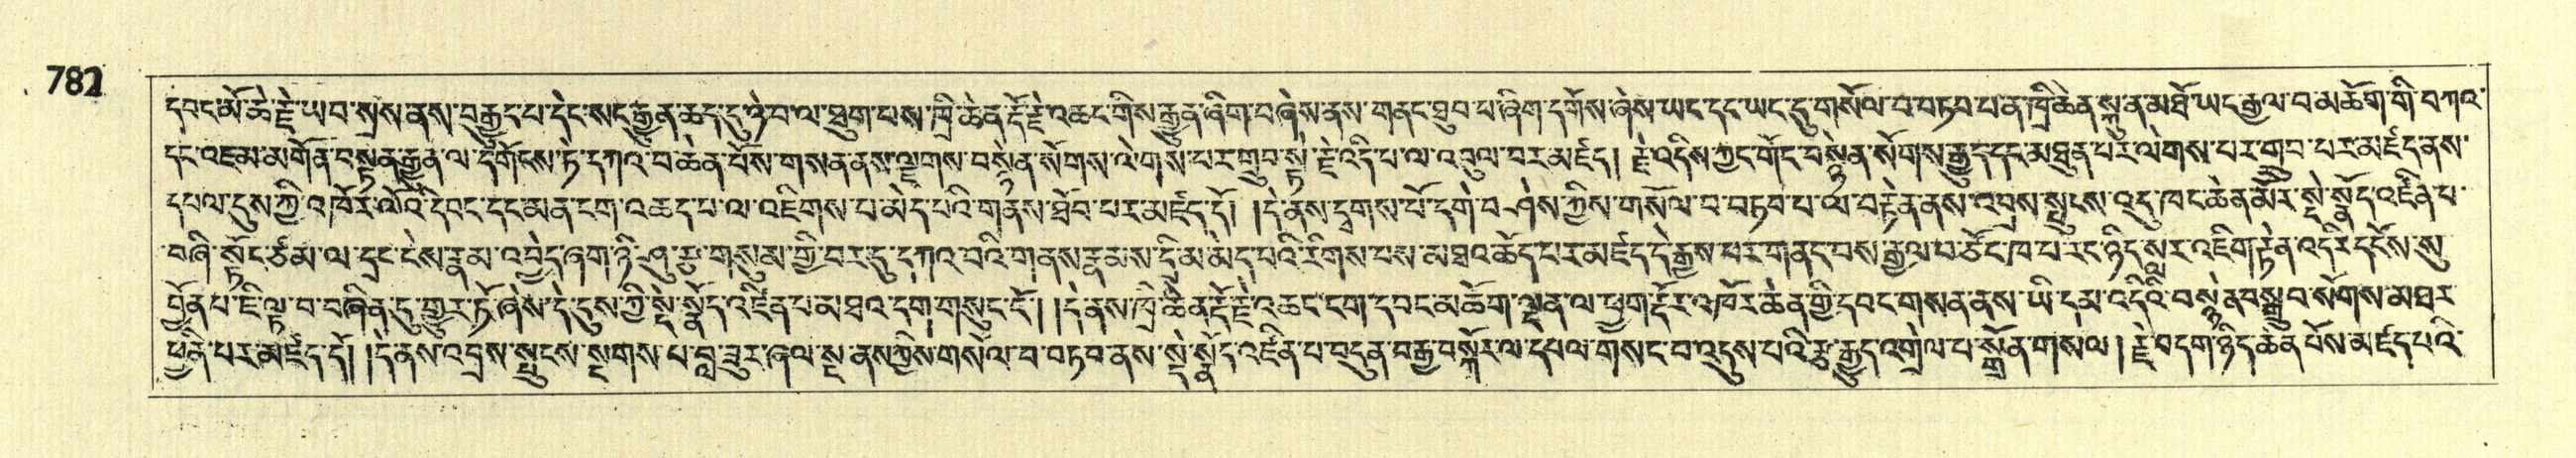དབང་མོ་ཆེ་རྗེ་ཡབ་སྲས་ནས་བརྒྱུད་པ་དེང་སང་རྒྱུན་ཆད་དུ་ཉེ་བ་ལ་ཐུག་པས་ཁྲིད་ཆེན་རྡོ་རྗེ་འཆང་གིས་རྒྱུན་ཞིག་བཞེས་ནས་གནང་ཐུབ་པ་ཞིག་དགོས་ཞེས་ཡང་དང་ཡང་དུ་གསོལ་བ་བཏབ་པ་ན་ཁྲི་ཆེན་སྐུ་ན་མཐོ་ཡང་རྒྱལ་བ་མཆོག་གི་བཀའ་
དང་འཇམ་མགོན་བསྟན་རྒྱུན་ལ་དགོངས་ཏེ་དཀའ་བ་ཆེན་བོས་གསན་ནས་ལྗགས་བསྙེན་སོགས་ལེགས་པར་གྲུབ་སྟེ་རྗེ་འདི་པ་ལ་འབུལ་བར་མཛད། རྗེ་འདིས་ཀྱང་གོང་བསྙེན་སོགས་རྒྱུད་དང་མཐུན་པར་ལེགས་པར་གྲུབ་པར་མཛད་ནས་
དཔལ་དུས་ཀྱི་འཁོར་ལོའི་དབང་དང་མན་ངག་འཆད་པ་ལ་འཇིགས་པ་མེད་པའི་གནས་ཐོབ་པར་མཛད་དོ། །དེ་ནས་དྭགས་པོ་དགེ་བཤེས་ཀྱིས་གསོལ་བ་བཏབ་པ་ལ་བརྟེན་ནས་འབྲས་སྤུངས་འདུ་ཁང་ཆེན་མོར་སྡེ་སྣོད་འཛིན་པ་
བཞི་སྟོང་ཙམ་ལ་དྲང་ངེས་རྣམ་འབྱེད་ཞག་ཉི་ཤུ་རྩ་གསུམ་གྱི་བར་དུ་དཀའ་བའི་གནས་རྣམས་དྲི་མ་མེད་པའི་རིགས་པས་མཐའ་ཆོད་པར་མཛད་དེ་རྒྱས་པར་གནང་བས་རྒྱལ་བ་ཙོང་ཁ་པ་རང་ཉིད་སླར་འཇིག་རྟེན་འདིར་དངོས་སུ་
བྱོན་པ་ཇི་ལྟ་བ་བཞིན་དུ་གྱུར་ཏོ་ཞེས་དེ་དུས་ཀྱི་སྡེ་སྣོད་འཛིན་པ་མཐའ་དག་གསུང་ངོ། །དེ་ནས་ཁྲི་ཆེན་རྡོ་རྗེ་འཆང་ངག་དབང་མཆོག་ལྡན་ལ་ཕྱག་རྡོར་འཁོར་ཆེན་གྱི་དབང་གསན་ནས་ཡི་དམ་འདིའི་བསྙེན་བསྒྲུབ་སོགས་མཐར་
ཕྱིན་པར་མཛད་དོ། །དེ་ནས་འབྲས་སྤུངས་སྔགས་པ་བླ་ཟུར་ཞལ་སྔ་ནས་ཀྱིས་གསོལ་བ་བཏབ་ནས་སྡེ་སྣོད་འཛིན་པ་བདུན་བརྒྱ་བསྐོར་ལ་དཔལ་གསང་བ་འདུས་པའི་རྩ་རྒྱུད་འགྲེལ་པ་སྒྲོན་གསལ། རྗེ་བདག་ཉིད་ཆེན་པོས་མཛད་པའི་